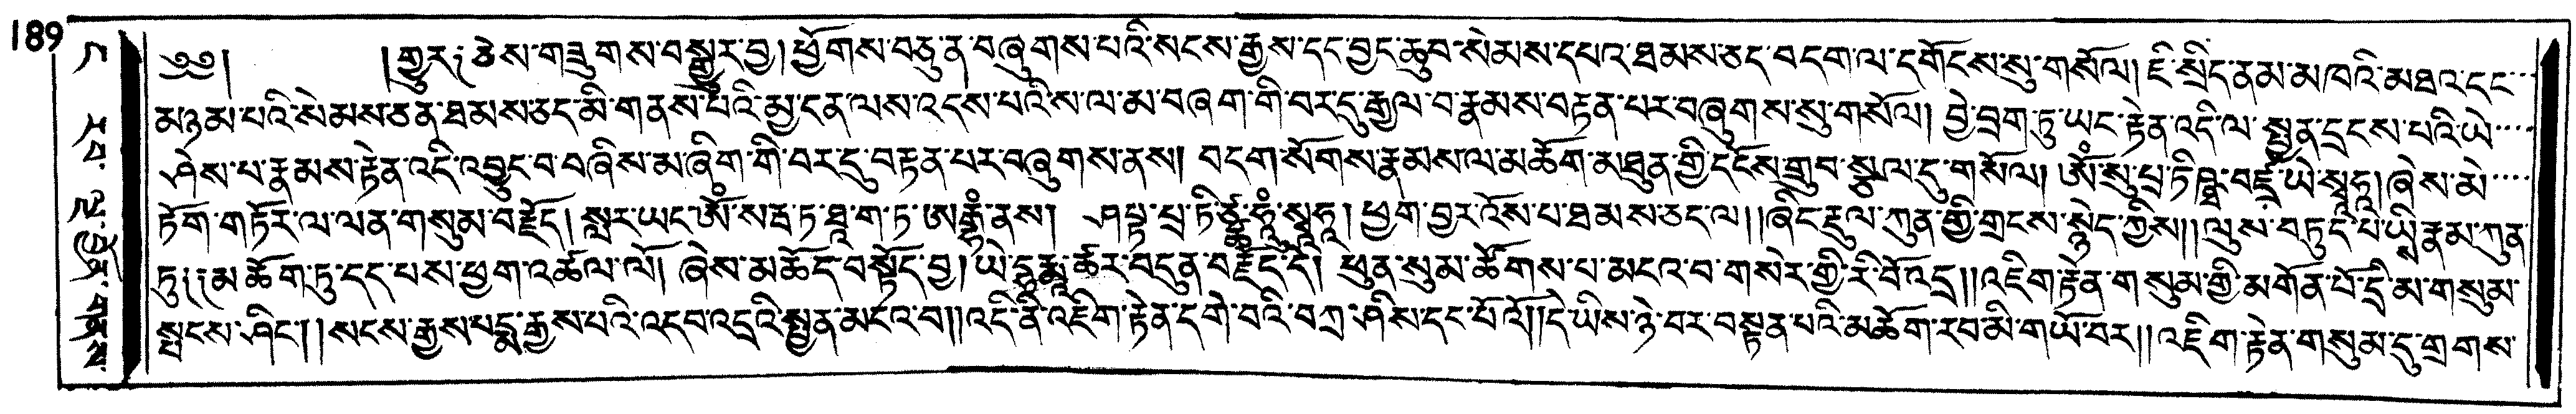༄༅། །གྱུར༑ ཅེས་གཟུགས་བསྒྱུར་བྱ། ཕྱོགས་བཅུ་ན་བཞུགས་པའི་སངས་རྒྱས་དང་བྱང་ཆུབ་སེམས་དཔའ་ཐམས་ཅད་བདག་ལ་དགོངས་སུ་གསོལ། ཇི་སྲིད་ནམ་མཁའི་མཐའ་དང་
མཉམ་པའི་སེམས་ཅན་ཐམས་ཅད་མི་གནས་པའི་མྱ་ངན་ལས་འདས་པའི་ས་ལ་མ་བཞག་གི་བར་དུ་རྒྱལ་བ་རྣམས་བརྟན་པར་བཞུགས་སུ་གསོལ། བྱེ་བྲག་ཏུ་ཡང་རྟེན་འདི་ལ་སྤྱན་དྲངས་པའི་ཡེ་
ཤེས་པ་རྣམས་རྟེན་འདི་འབྱུང་བ་བཞིས་མ་ཞིག་གི་བར་དུ་བརྟན་པར་བཞུགས་ནས། བདག་སོགས་རྣམས་ལ་མཆོག་མཐུན་གྱི་དངོས་གྲུབ་སྩལ་དུ་གསོལ། ཨོཾ་སུ་པྲ་ཏི་ཤྠ་བྫྲ་ཡེ་སྭ་ཧཱ། ཞེས་མེ་
ཏོག་གཏོར་ལ་ལན་གསུམ་བརྗོད། སླར་ཡང་ཨོཾ་སརྦ་ཏ་ཐཱ་ག་ཏ་ཨརྒྷཾ་ནས། ཤཔྟ་པྲ་ཏི་ཙྪ་ཧཱུཾ་སྭཱ་ཧཱ། ཕྱག་བྱར་འོས་པ་ཐམས་ཅད་ལ། ཞིང་རྡུལ་ཀུན་གྱི་གྲངས་སྙེད་ཀྱིས། །ལུས་བཏུད་པ་ཡིས་རྣམ་ཀུན་
ཏུ༑ ༑མཆོག་ཏུ་དད་པས་ཕྱག་འཚལ་ལོ། ཞེས་མཆོད་བསྟོད་བྱ། ཡེ་དྷཱ་རྨཱ་ཚར་བདུན་བརྗོད་དེ། ཕུན་སུམ་ཚོགས་པ་མངའ་བ་གསེར་གྱི་རི་བོ་འདྲ། །འཇིག་རྟེན་གསུམ་གྱི་མགོན་པོ་དྲི་མ་གསུམ་
སྤངས་ཤིང་། །སངས་རྒྱས་པདམ་རྒྱས་པའི་འདབ་འདྲའི་སྤྱན་མངའ་བ། །འདི་ནི་འཇིག་རྟེན་དགེ་བའི་བཀྲ་ཤིས་དང་པོའོ། །དེ་ཡིས་ཉེ་བར་བསྟན་པའི་མཆོག་རབ་མི་གཡོ་བར། །འཇིག་རྟེན་གསུམ་དུ་གྲགས་